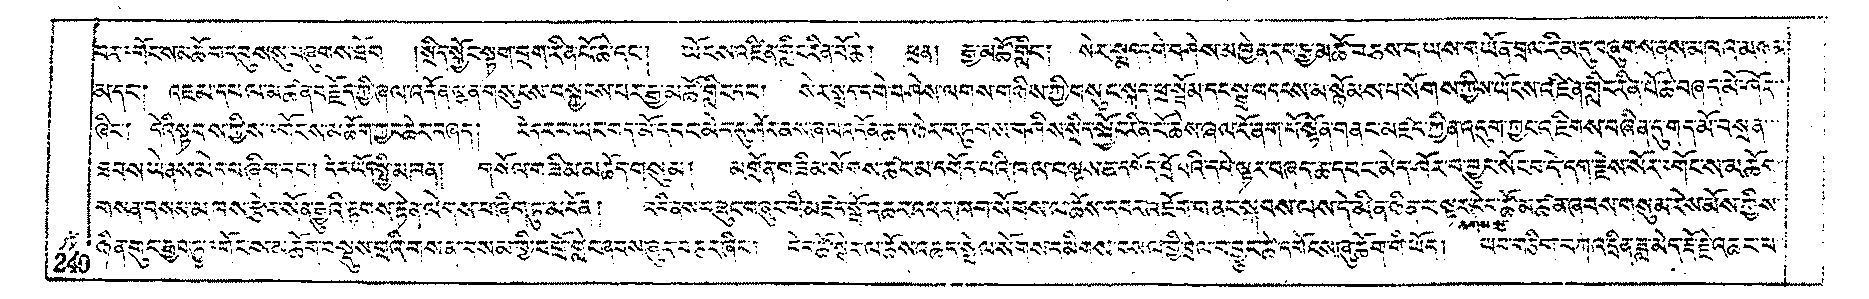བར་༧གོང་ས་མཆོག་དབུས་སུ་བཞུགས་ཐོག །སྲིད་སྐྱོང་སྟག་བྲག་རིན་པོ་ཆེ་དང་། ཡོངས་འཛིན་གླིང་རིན་པོ་ཆེ། ཕྲན། རྒྱ་མཚོ་གླིང་། སེར་སྨད་དགེ་བཤེས་མཁྱེན་རབ་རྒྱ་མཚོ་བཅས་གཡས་གཡོན་གྲལ་རིམ་དུ་བཞུགས་ནས་མཁའ་མཉམ་
མ་དང་། འཇམ་དཔལ་མཚན་བརྗོད་ཀྱི་ཞལ་འདོན་ལྷན་གསུངས་བསྐྱངས་པར་རྒྱ་མཚོ་གླིང་དང་། སེར་སྨད་དགེ་བཤེས་ལགས་གཉིས་ཀྱི་གསུང་སྐད་ཕྲ་སྦོམ་དང་སྒྲ་གདངས་མ་སྙོམས་པ་སོགས་ཀྱིས་ཡོངས་འཛིན་གླིང་རིན་པོ་ཆེ་བཞད་མོ་ཤོར་
ཞིང་། དེའི་སྟབས་ཀྱིས་༧གོང་ས་མཆོག་ཀྱང་ཆེར་བཞད། ངེད་རང་ཡང་གད་མོ་དབང་མེད་དུ་ཤོར་ནས་ཞལ་འདོན་ཆད་ཉེར་གཏུགས་གཤིས་སྲིད་སྐྱོང་རིན་པོ་ཆེས་ཞལ་ངོ་ནག་པོ་སྟོན་གནང་མཛད་ཀྱིན་འདུག་ཀྱང་འཇིགས་བཞིན་དུ་གད་མོ་བསྲན་
ཐབས་ཡེ་ནས་མེད་པ་ཞིག་དང་། དེར་ཡོད་སྤྱི་མཁན། གསོལ་གཟིམ་མཆོད་གསུམ། མགྲོན་གཟིམ་སོགས་ཚང་མ་དགོད་པའི་ཁ་ལ་བལྟས་ན་དགོད་བྲོ་བའི་དཔེ་ལྟར་བཞད་ཆ་དབང་མེད་ཤོར་བ་བྱུང་སོང་བ་དེ་དག་རྗེས་སོར་༧གོང་ས་མཆོག་
གསན་བསམ་མཁས་རྩེར་སོན་རྒྱུའི་རྟགས་རྟེན་ལེགས་པ་ཞིག་ཏུ་མངོན། འདི་ནས་བཟུང་གཞུང་གི་མཛད་སྒོ་འཆར་འཕར་ཁག་སོགས་ལ་ཆོས་དབར་འཇོག་གནང་སྐབས་ལས་དེ་མིན་ཉིན་བསྟར་ཆགས་སུ་ངེད་ཚོ་མཚན་ཞབས་གསུམ་རེས་མོས་ཀྱིས་
ཉིན་གུང་རྒྱབ་ཏུ་༧གོང་ས་མཆོག་བསྡུས་གྲའི་གསན་བསམ་གྱི་བགྲོ་གླེང་ཞབས་ཞུར་བཅར་ཞིང་། ངེད་ཚོ་སྒེར་ལ་ཆོས་འཆད་སྤེལ་སོགས་དམིགས་བསལ་གྱི་བྲེལ་བ་བྱུང་ཚེ་དགོངས་ཞུ་ཆོག་གི་ཡོད། ཡབ་གཅིག་བཀའ་དྲིན་ཟླ་མེད་རྡོ་རྗེ་འཆང་ཕ་